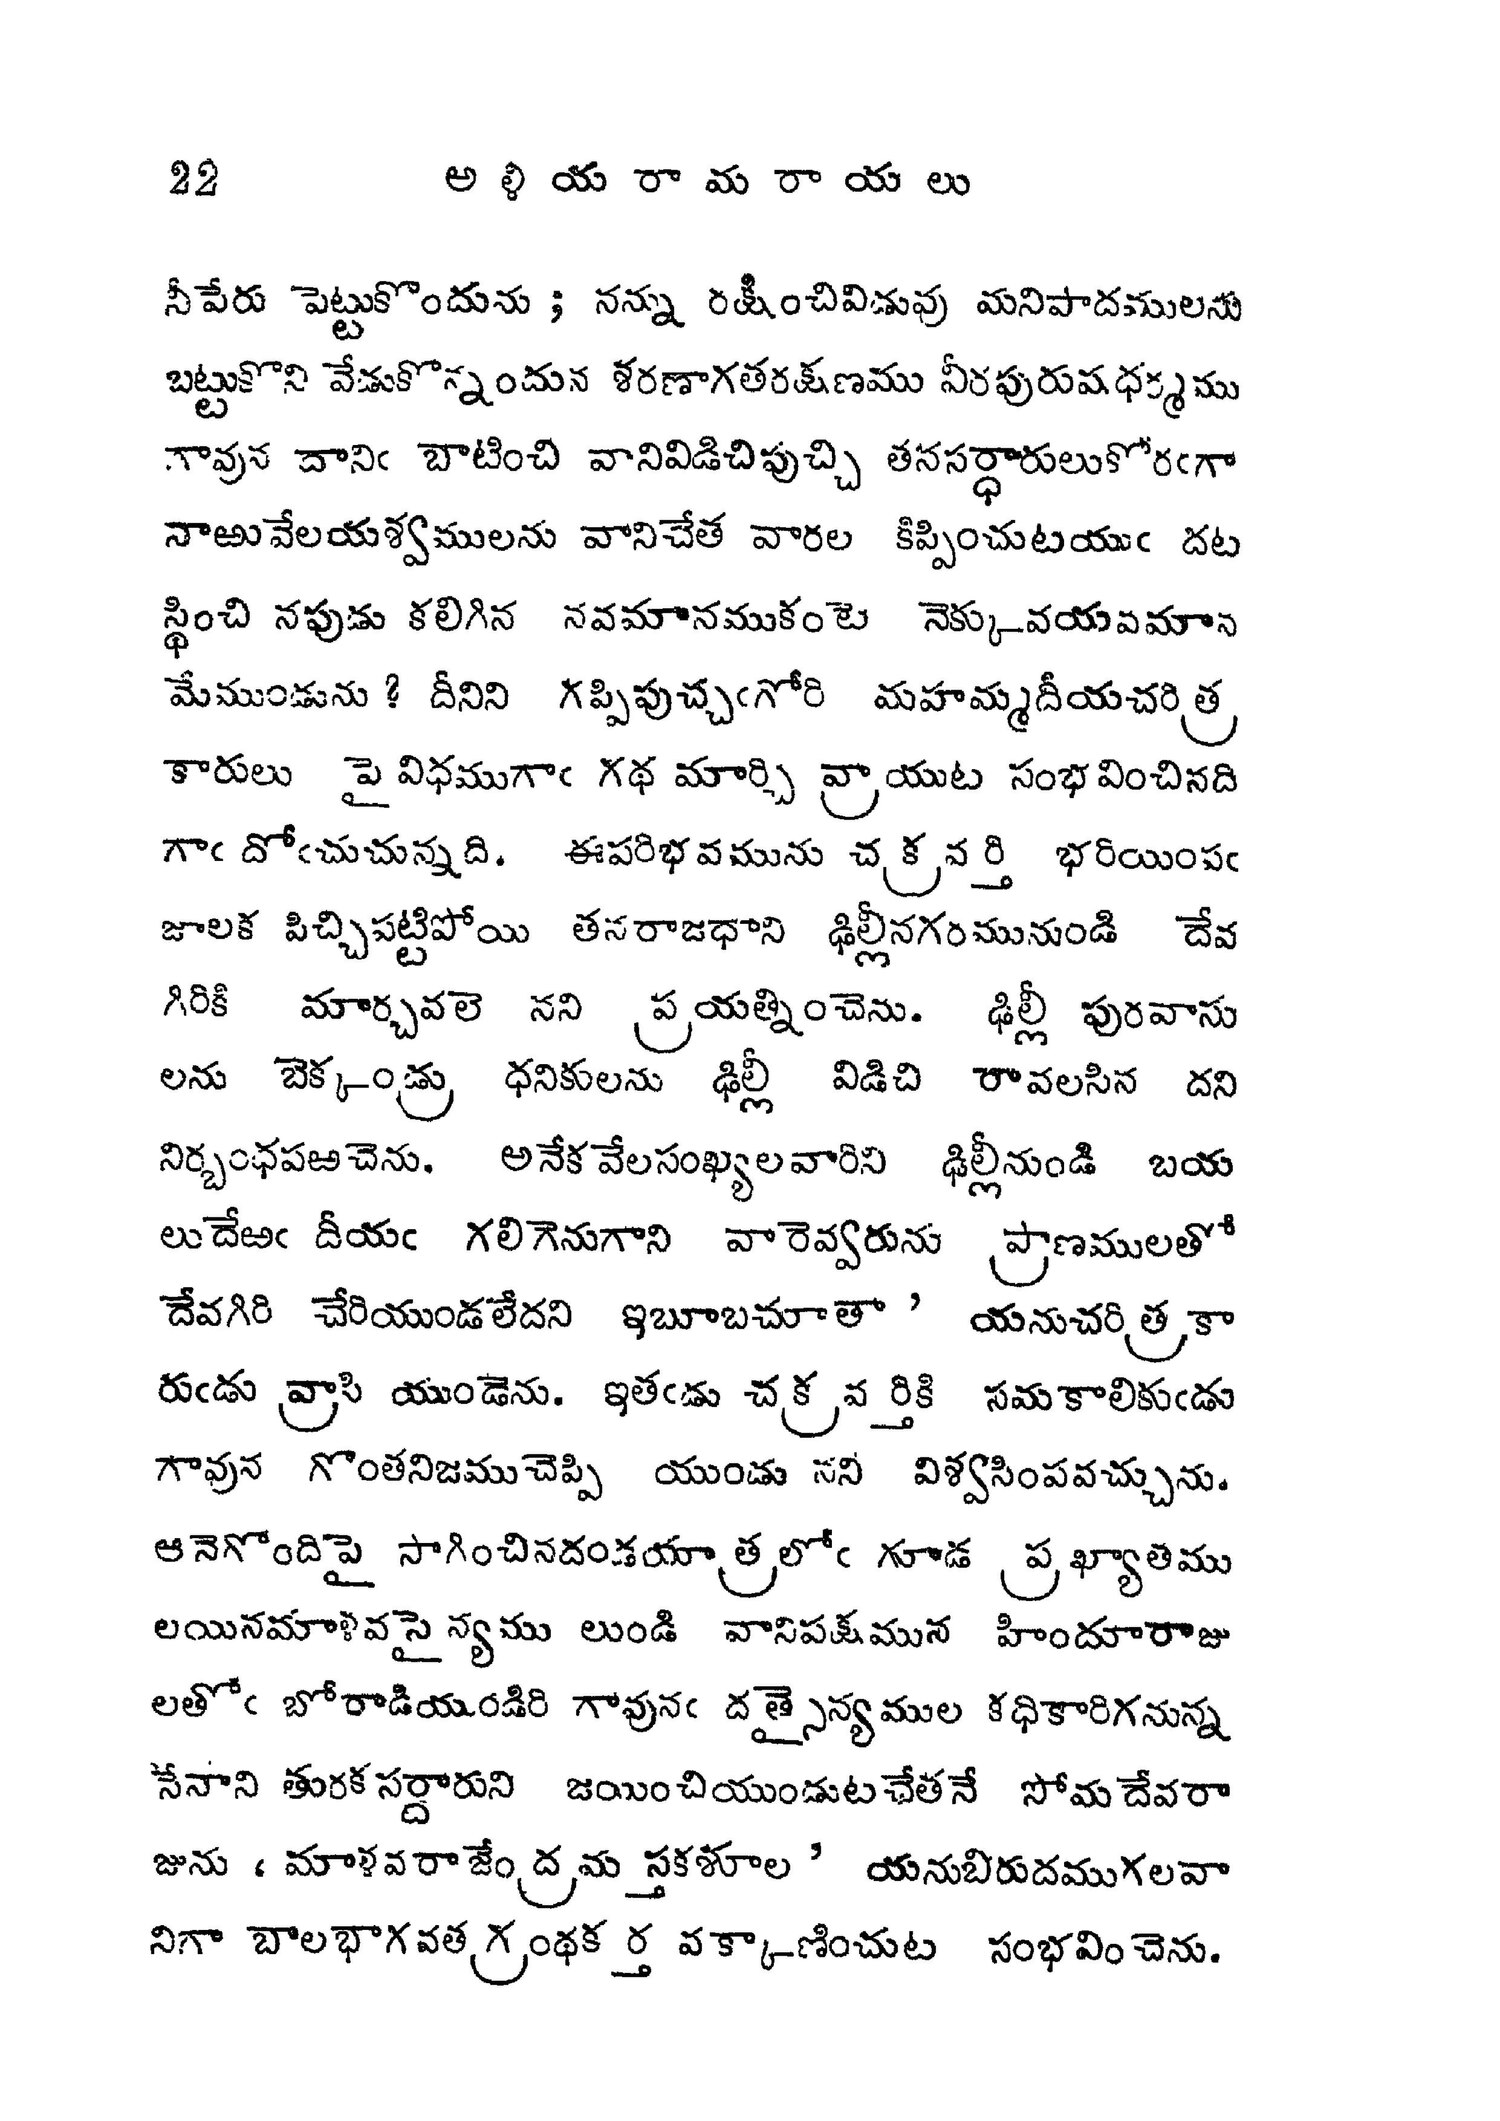నీపేరు పెట్టుకొందును; నన్ను రక్షించివిడువు మనిపాదములను బట్టుకొని వేడుకొన్నందున శరణాగతరక్షణము వీరపురుషధర్మము గావున దాని బాటించి వానివిడిచిపుచ్చి తనసర్ధారులు కోరగా నాఱువేల యశ్వములను వానిచేత వారల కిప్పించుటయు దటస్థించి నపుడు కలిగిన నవమానముకంటె నెక్కువ యవమానమేముండును? దీనిని గప్పిపుచ్చగోరి మహమ్మదీయచరిత్రకారులు పైవిధముగా గథ మార్చి వ్రాయుట సంభవించినదిగా దోచుచున్నది. ఈపరిభవమును చక్రవర్తి భరియింప జాలక పిచ్చిపట్టిపోయి తనరాజధాని డిల్లీనగరమునుండి దేవగిరికి మార్చవలె నని ప్రతత్నించెను. డిల్లీ పురవాసులను బెక్కండ్రు ధనికులను డిల్లీ విడిచి రావలసిన దని నిర్భంధపఱచెను. అనేక వేలసంఖ్యలవారిని డిల్లీనుండి బయలుదేఱ దీయ గలిగెనుగాని వారెవ్వరును ప్రాణములతో దేవగిరి చేరియుండలేదని ఇబూబచూతా' యనుచరిత్రకారుడు వ్రాసి యుండెను. ఇతడు చక్రవర్తికి సమకాలికుడు గావున గొంత నిజముచెప్పి యుండు నని విశ్వసింపవచ్చును. ఆనెగొందిపై సాగించినదండయాత్రలో గూడ ప్రఖ్యాతములయిన మాళవసైన్యము లుండి వానిపక్షమున హిందూరాజులతో బోరాడియుండిరి గావున దత్సైన్యముల కధికారిగనున్న సేనాని తురకసర్దారుని జయించియుండుటచేతనే సోమదేవరాజును 'మాళవరాజేంద్రమస్తకశూల' యనుబిరుదముగలవానిగా బాలబాగవతగ్రంథకర్త వక్కాణించుట సంభవించెను.